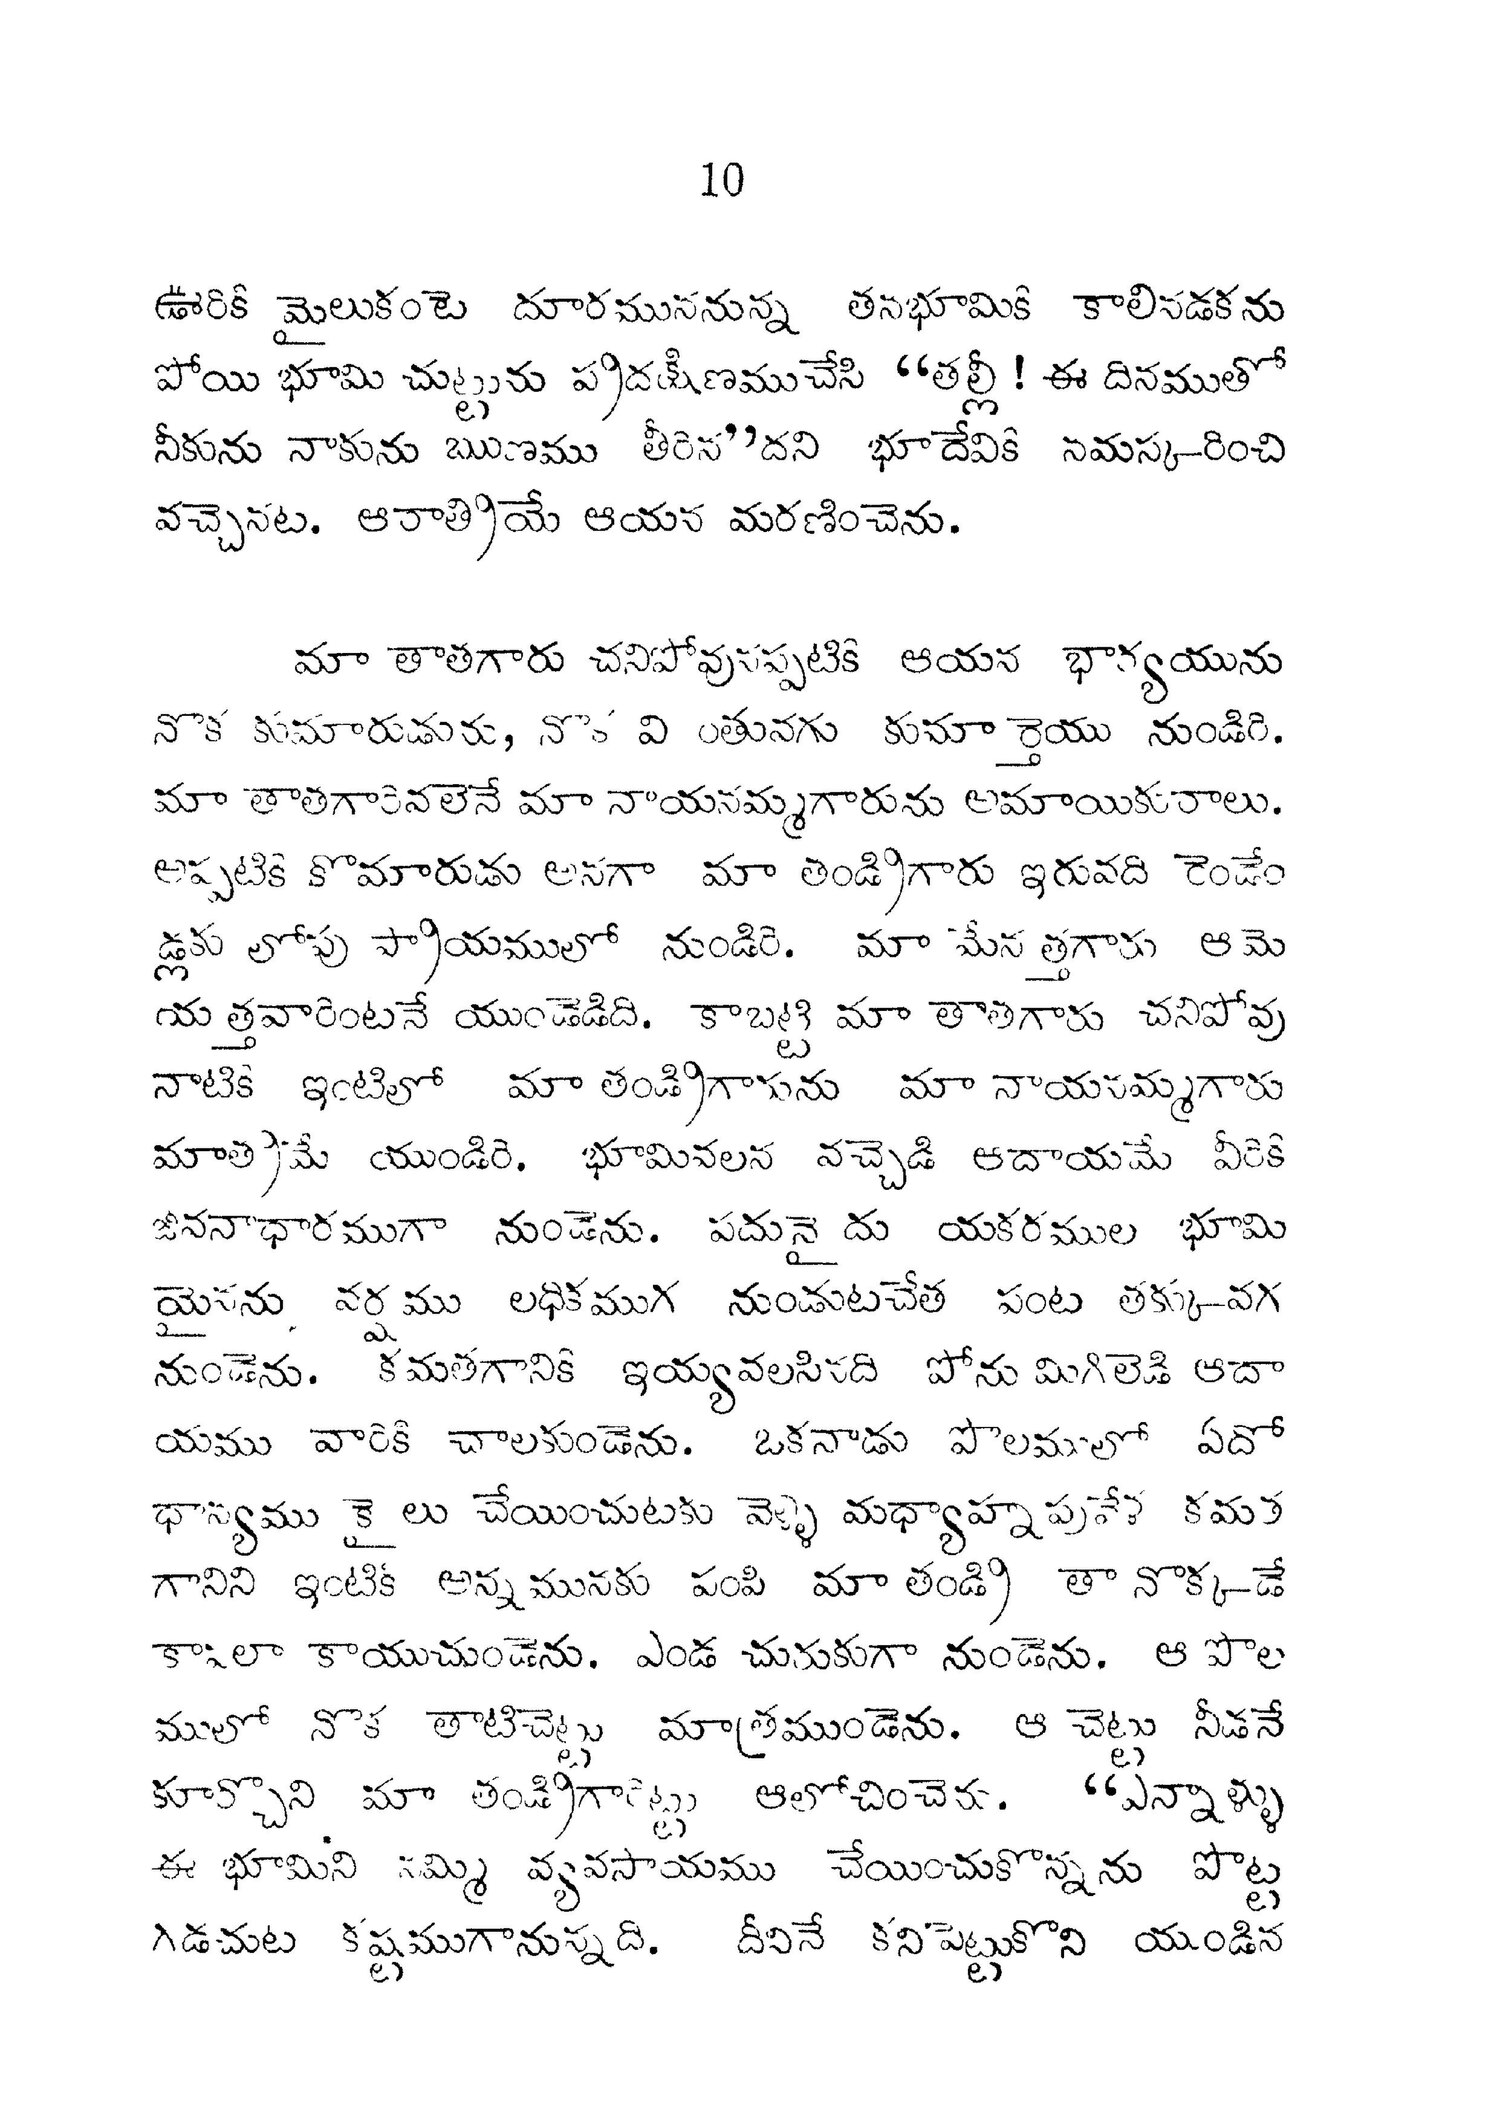ఊరికి మైలుకంటె దూరముననున్న తనభూమికి కాలినడకను పోయి భూమి చుట్టును ప్రదక్షిణముచేసి "తల్లీ! ఈ దినముతో నీకును నాకును ఋణము తీరిన"దని భూదేవికి నమస్కరించి వచ్చెనట. ఆరాత్రియే ఆయన మరణించెను.

మా తాతగారు చనిపోవునప్పటికి ఆయన భార్యయును నొక కుమారుడును, నొక వితంతువగు కుమార్తెయు నుండిరి. మా తాతగారివలెనే మా నాయనమ్మగారును అమాయికురాలు. అప్పటికి కొమారుడు అనగా మా తండ్రిగారు ఇరువది రెండేండ్లకు లోపు ప్రాయములో నుండిరి. మా మేనత్తగారు ఆమె యత్తవారింటనే యుండెడిది. కాబట్టి మా తాతగారు చనిపోవునాటికి ఇంటిలో మా తండ్రిగారును మా నాయనమ్మగారు మాత్రమే యుండిరి. భూమివలన వచ్చెడి ఆదాయమే వీరికి జీవనాధారముగా నుండెను. పదునైదు యకరముల భూమియైనను వర్షము లధికముగ నుండుటచేత పంట తక్కువగ నుండెను. కమతగానికి ఇయ్యవలసినది పోను మిగిలెడి ఆదాయము వారికి చాలకుండెను. ఒకనాడు పొలములో ఏదో ధాన్యము కైలు చేయించుటకు వెళ్ళి మధ్యాహ్నపువేళ కమతగానిని ఇంటికి అన్నమునకు పంపి మా తండ్రి తా నొక్కడే కాపలా కాయుచుండెను. ఎండ చురుకుగా నుండెను. ఆ పొలములో నొక తాటిచెట్టు మాత్రముండెను. ఆ చెట్టు నీడనే కూర్చొని మా తండ్రిగారిట్టు ఆలోచించెను. "ఎన్నాళ్ళు ఈ భూమిని నమ్మి వ్యవసాయము చేయించుకొన్నను పొట్ట గడచుట కష్టముగానున్నది. దీనినే కనిపెట్టుకొని యుండిన